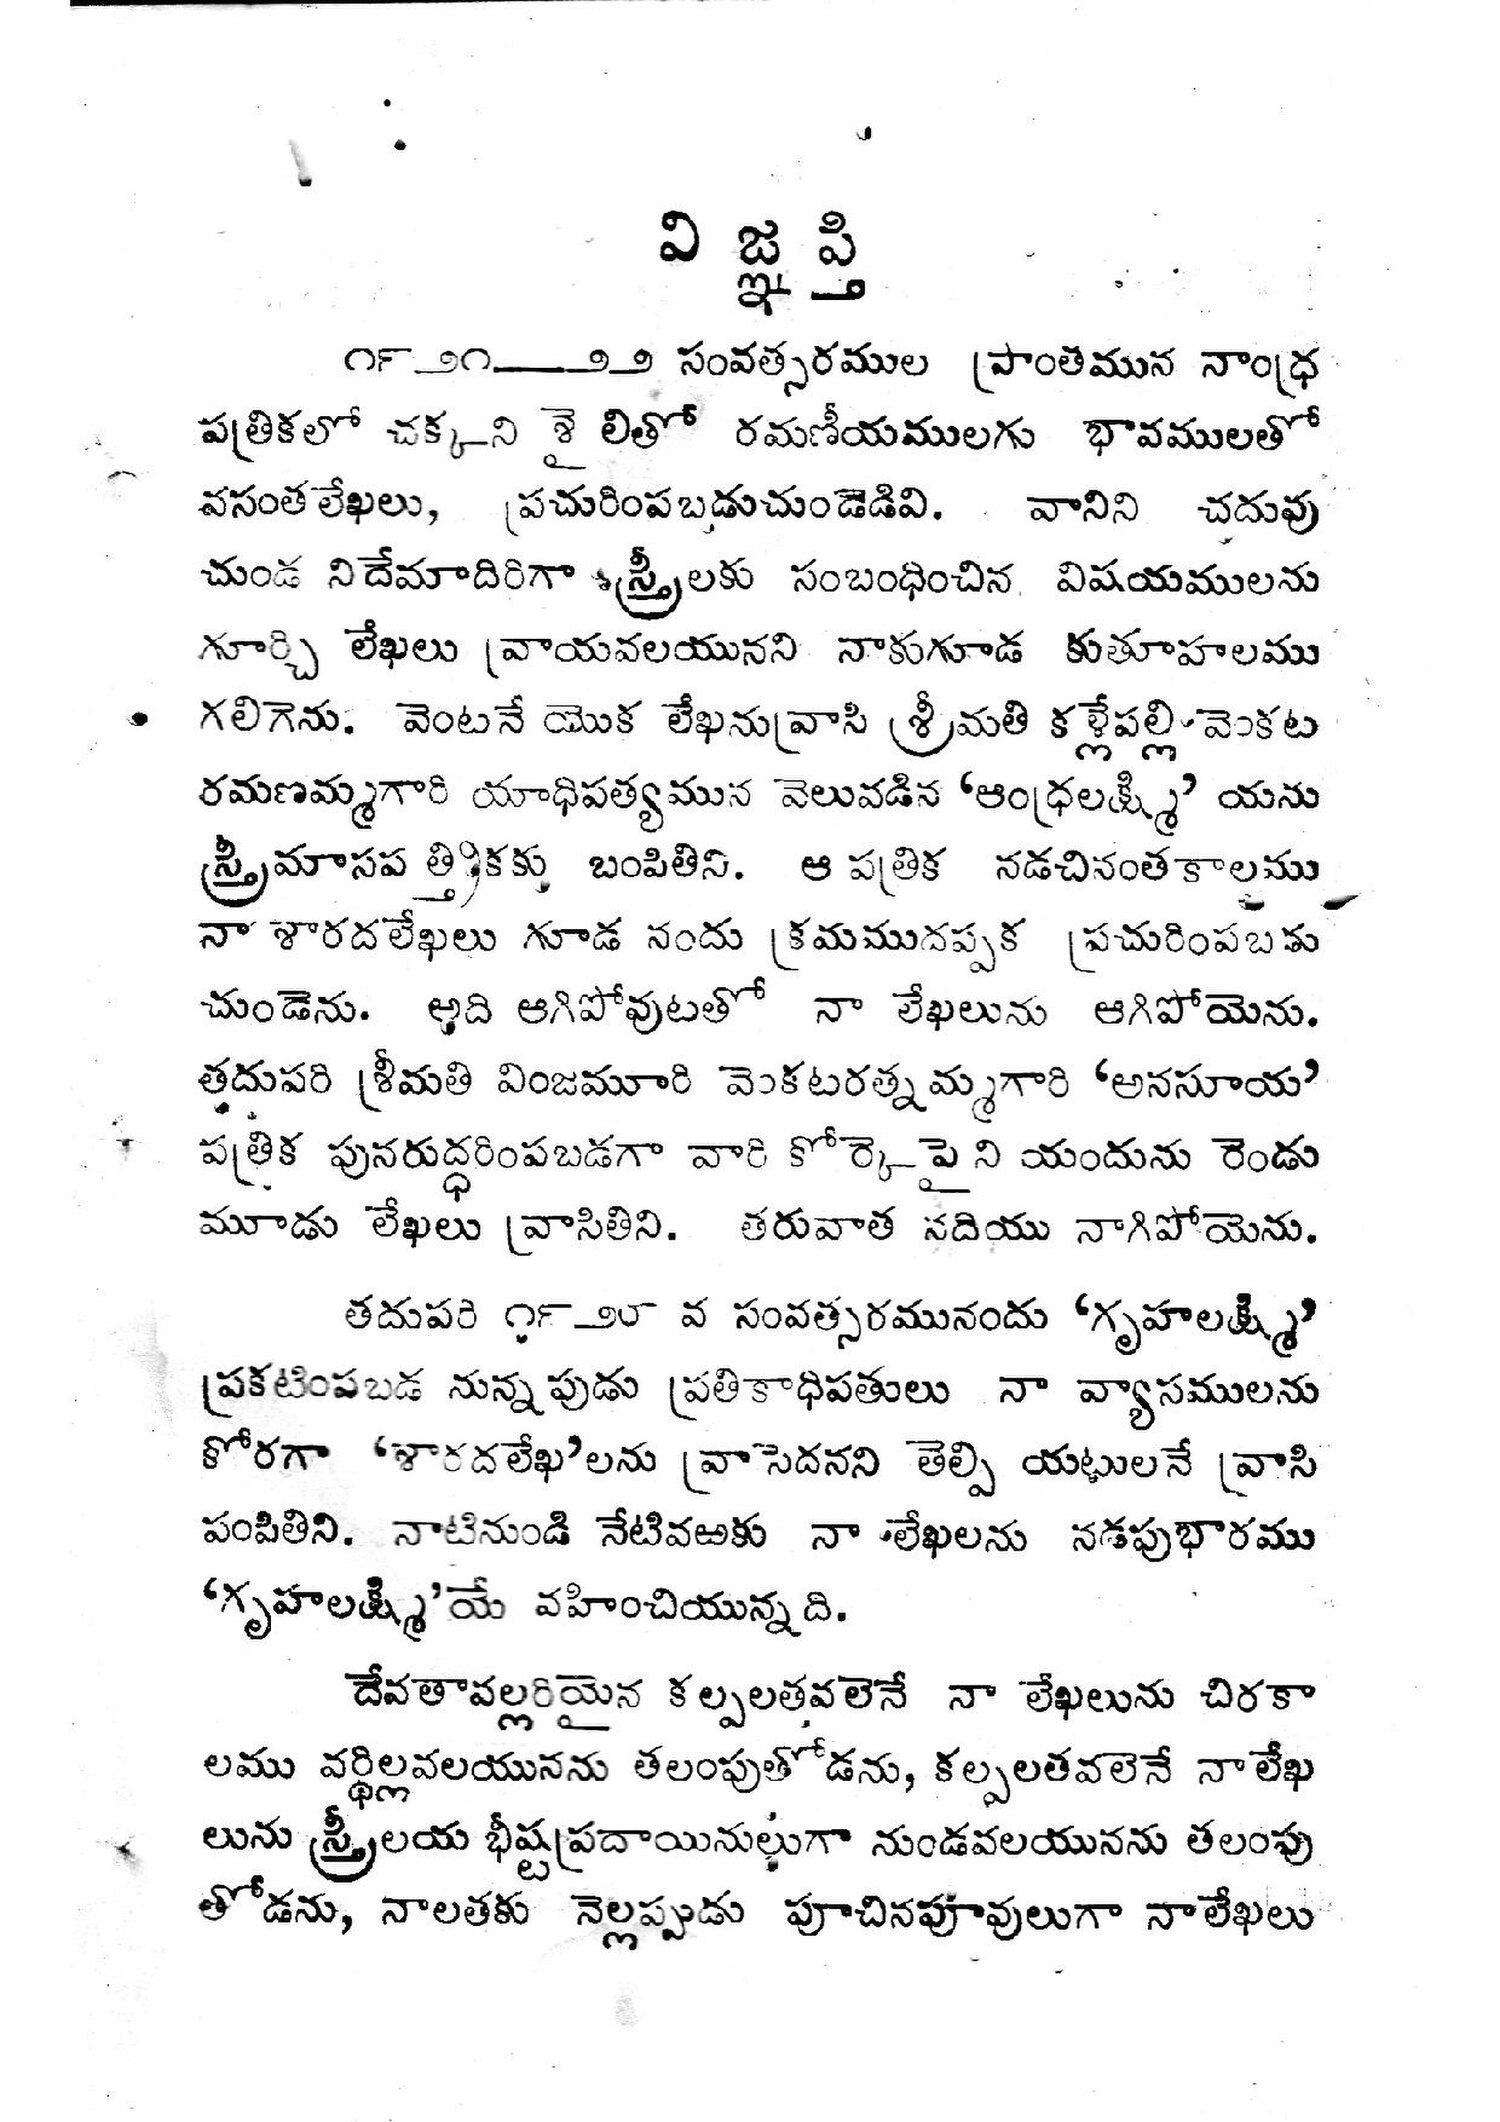1921 - 22 సంవత్సరముల ప్రాంతమున నాంధ్ర పత్రికలో చక్కని శైలితో రమణీయములగు భావములతో వసంతలేఖలు, పచురింపబడుచుండెడివి. వానిని చదువుచుండ నిదేమాదిరిగా స్త్రీలకు సంబంధించిన విషయములను గూర్చి లేఖలు వ్రాయవలయునని నాకుగూడ కుతూహలము గలిగెను. వెంటనే యొక లేఖనువ్రాసి శ్రీమతి కళ్లేపల్లి వెంకటరమణమ్మగారి యాధిపత్యమున వెలువడిన 'ఆంధ్రలక్ష్మి ' యను స్త్రీమాసపత్రికకు బంపితిని. ఆ పత్రిక నడచినంతకాలము నా శారదలేఖలు గూడ నందు క్రమముదప్పక ప్రచురింపబడు చుండెను. అది ఆగిపోవుటతో నా లేఖలును ఆగిపోయెను. తదుపరి శ్రీమతి వింజమూరి వెంకటరత్నమ్మగారి 'అనసూయ' పత్రిక పునరుద్ధరింపబడగా వారి కోర్కెపైని యందును రెండు మూడు లేఖలు వ్రాసితిని. తరువాత నదియు నాగిపోయెను.

తదుపరి 1928 వ సంవత్సరమునందు 'గృహలక్ష్మి' ప్రకటింపబడ నున్నపుడు ప్రతికాధిపతులు నా వ్యాసములను కోరగా 'శారదలేఖ'లను వ్రాసెదనని తెల్పి యటులనే వ్రాసి పంపితిని. నాటినుండి నేటివఱకు నా లేఖలను నడపుభారము 'గృహలక్ష్మి'యే వహించియున్నది.

దేవతావల్లరియైన కల్పలతవలెనే నా లేఖలును చిరకాలము వర్ధిల్లవలయునను తలంపుతోడను, కల్పలతవలెనే నాలేఖలును స్త్రీలయ భీష్టప్రదాయినులుగా నుండవలయునను తలంపుతోడను, నాలతకు నెల్లప్పుడు పూచినపూవులుగా నాలేఖలు